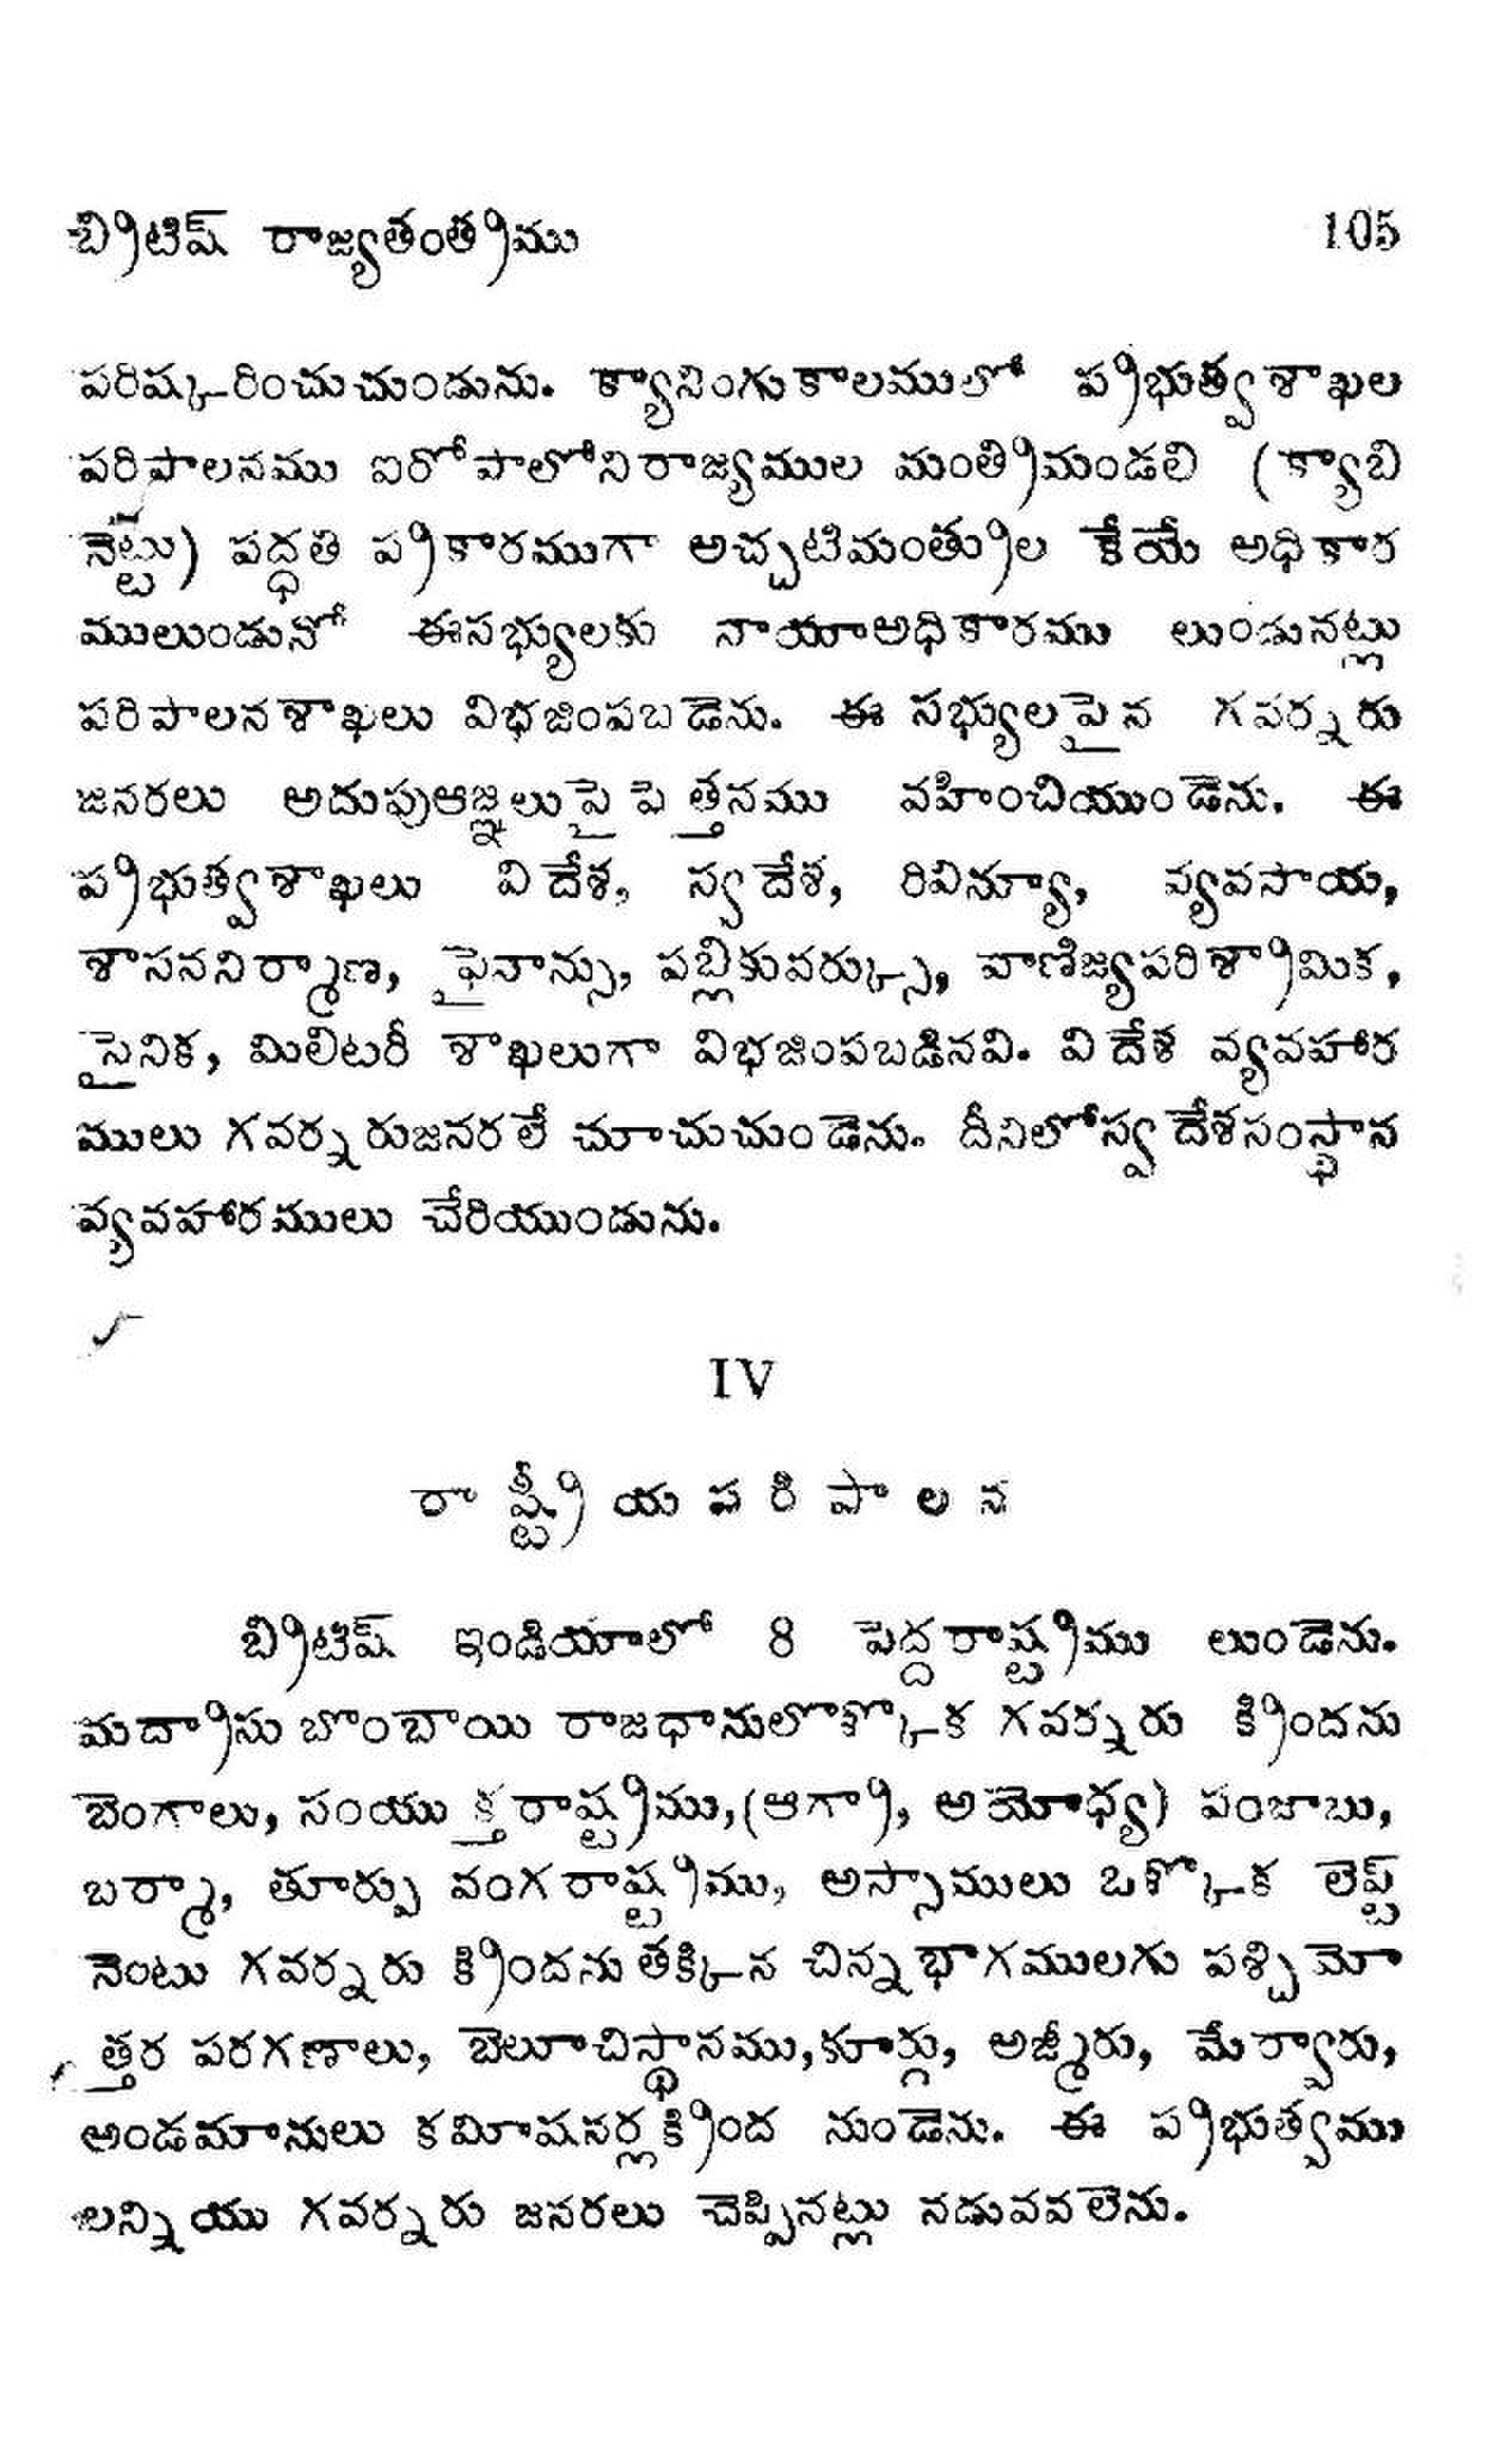పరిష్కరించుచుండును. క్యానింగుకాలములో ప్రభుత్వశాఖల పరిపాలనము ఐరోపాలోనిరాజ్యముల మంత్రిమండలి (క్యాబినెట్టు) పద్ధతి ప్రకారముగా అచ్చటిమంత్రుల కేయే అధికారములుండునో ఈసభ్యులకు నాయాఅధికారము లుండునట్లు పరిపాలనశాఖలు విభజింపబడెను. ఈ సభ్యులపైన గవర్నరు జనరలు అదుపుఆజ్ఞలు పై పెత్తనము వహించియుండెను. ఈ ప్రభుత్వశాఖలు విదేశ, స్వదేశ, రివిన్యూ, వ్యవసాయ, శాసననిర్మాణ, ఫైనాన్సు, పబ్లికువర్క్సు, వాణిజ్యపరిశ్రామిక, సైనిక , మిలిటరీ శాఖలుగా విభజింపబడినవి. విదేశ వ్యవహారములు గవర్నరుజనరలే చూచుచుండెను. దీనిలోస్వదేశసంస్థాన వ్యవహారములు చేరియుండును.

IV
రాష్ట్రీయ పరిపాలన

బ్రిటిష్ ఇండియాలో 8 పెద్దరాష్ట్రము లుండెను. మద్రాసు బొంబాయి రాజధానులొక్కొక గవర్నరు క్రిందను బెంగాలు, సంయుక్తరాష్ట్రము, (ఆగ్రా, అయోధ్య) పంబాబు, బర్మా, తూర్పు వంగరాష్ట్ర ము, అస్సాములు ఒక్కొక లెఫ్ట్‌నెంటు గవర్నరు క్రిందను తక్కిన చిన్నభాగములగు పశ్చిమోత్తర పరగణాలు, బెలూచిస్థానము, కూర్గు, అజ్మీరు, మేర్వారు,
అండమానులు కమిషసర్లక్రింద నుండెను. ఈ ప్రభుత్వము లన్నియు గవర్నరు జనరలు చెప్పినట్లు నడువవలెను.